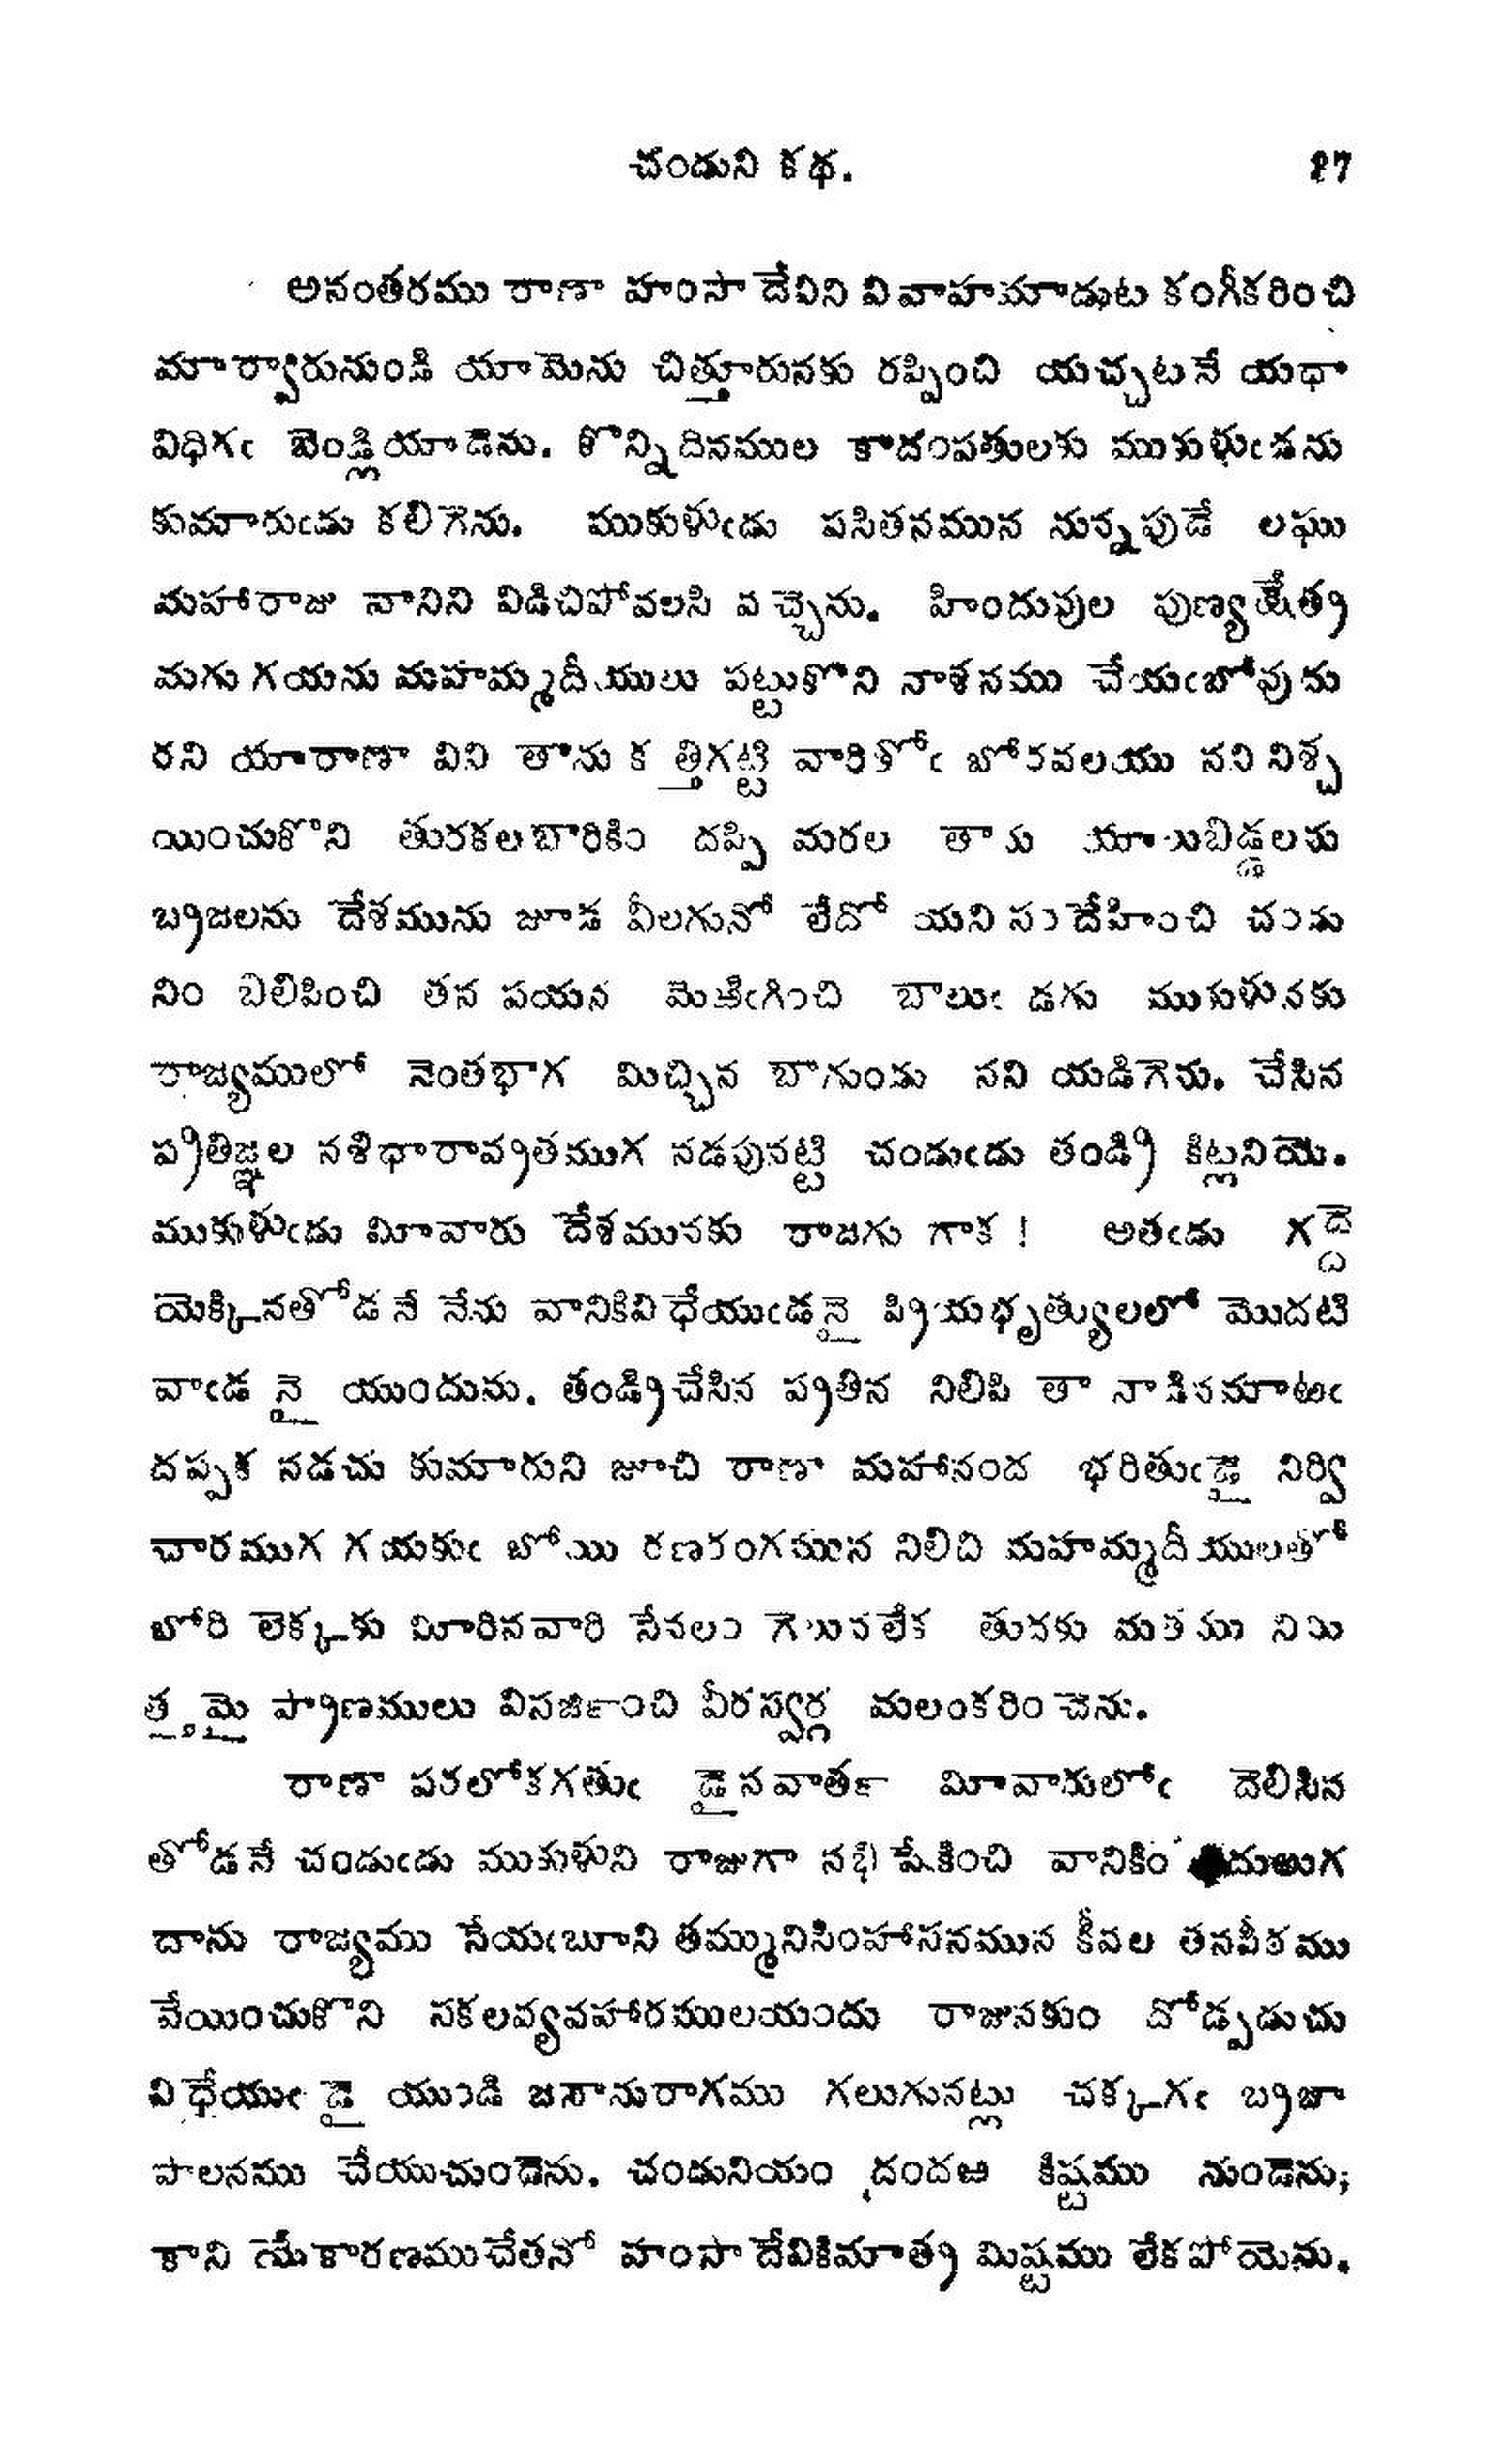అనంతరము రాణా హంసా దేవిని వివాహమాడుట కంగీకరించి మార్వారునుండి యామెను చిత్తూరునకు రప్పించి యచ్చటనే యధావిధిగఁ బెండ్లియాడెను. కొన్ని దినముల కాదంపతులకు ముకుళుఁడను కుమారుడు కలిగెను. ముకుళుఁడు పసితనమున నున్నపుడే లఘు మహారాజు వానిని విడిచిపోవలసి వచ్చెను. హిందువుల పుణ్య క్షేత్రమగు గయను మహమ్మదీయులు పట్టుకొని నాశనము చేయఁబోవుదు రని యారాణా విని తాను కత్తిగట్టి వారితోఁ బోరవలయు నని నిశ్చయించుకొని తురకల బారికిం దప్పి మరల తాము యాలుబిడ్డలను బ్రజలను దేశమును జూడ వీలగునో లేదో యని సందేహించి చండునిం బిలిపించి తన పయన మేఱిఁగించి బాలుఁ డగు ముకుళునకు రాజ్యములో నెంత భాగ మిచ్చిన బాగుంచు నని యడిగెను. చేసిన ప్రతిజ్ఞల నశి ధారావ్రతముగ నడపునట్టి చండుఁడు తండ్రి కిట్లనియె. ముకుళుఁడు మీవారు దేశమునకు రాజగు గాక ! అతఁడు గద్దె యెక్కినతోడనే నేను వానికివి ధేయుఁడనై ప్రియభృత్యులలో మొదటి వాఁడ నై యుందును. తండ్రి చేసిన ప్రతిన నిలిపి తా నాడినమాటఁ దప్పక నడచు కుమారుని జూచీ రాణా మహానంద భరితుఁడై నిర్విచారముగ గయకుఁ బోయి రణరంగమున నిలిచి మహమ్మదీయులతో బోరి లెక్కకు మీరిన వారి సేనలం గెలువలేక తుదకు మతము నిమిత్తమై ప్రాణములు విసజి౯ంచి వీర స్వర్గ మలంకరిం చెను.

రాణా పరలోకగతుఁ డైనవాత౯ మివారులోఁ దెలిసిన తోడనే చండుఁడు ముకుళుని రాజుగా నభిషేకించి వానికిం బదులుగ దానురాజ్యము సేయఁబూని తమ్మునిసింహాసనమున కీవల తనపీఠము వేయించుకొని సకల వ్యవహారములయందు రాజునకుం దోడ్పడుచు విధేయుఁ డై యుడి జనానురాగము గలుగునట్లు చక్కగఁ బ్రజా పాలనము చేయుచుండెను. చండునియం దందఱ కిష్టము నుండెను; కాని యే కారణము చేతనో హంసా దేవికిమాత్ర మిష్టము లేకపోయెను,